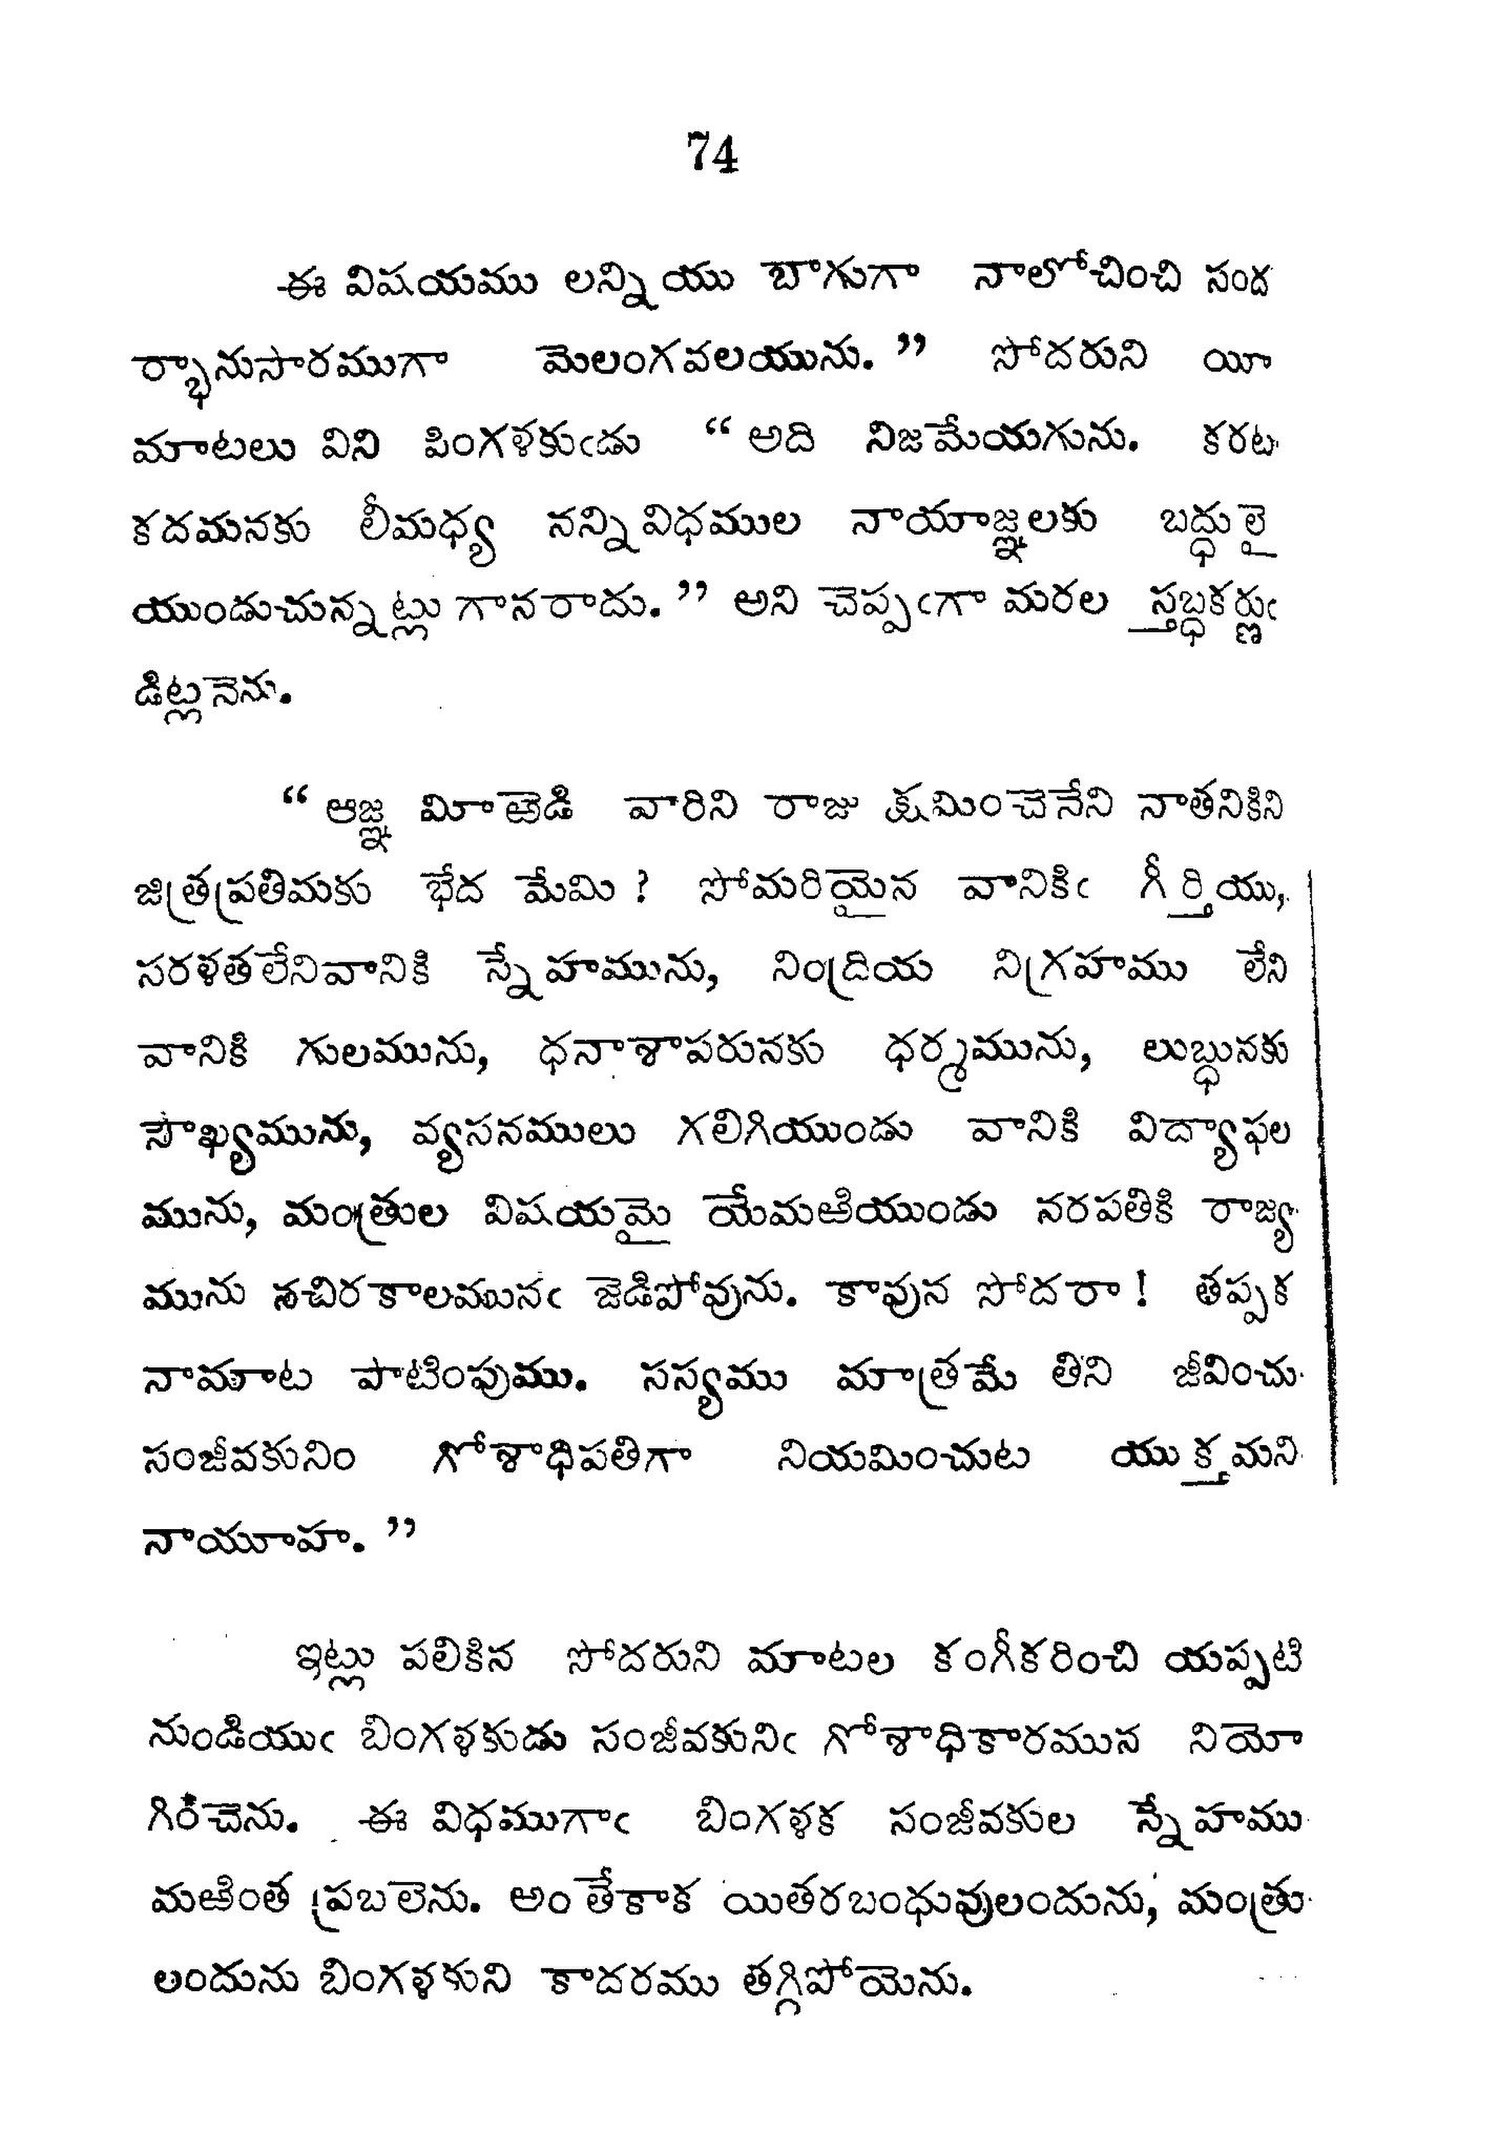ఈ విషయము లన్నియు బాగుగా నాలోచించి సందర్భానుసారముగా మెలంగవలయును." సోదరుని యీ మాటలు విని పింగళకుడు "అది నిజమేయగును. కరటకదమనకు లీమధ్య నన్నివిధముల నాయాజ్ఞలకు బద్ధులై యుండుచున్నట్లు గానరాదు." అని చెప్పగా మరల స్తబ్ధకర్ణుడిట్లనెను.

"ఆజ్ఞ మీఱెడి వారిని క్షమించెనేని నాతనికిని జిత్రప్రతిమకు భేధమేమి? సోమరియైన వానికి గీర్తియు, సరళతలేనివానికి స్నేహమును, నింద్రియ నిగ్రహము లేని వానికి గులమును, ధనాశాపరునకు ధర్మమును, లుబ్ధునకు సౌఖ్యమును, వ్యసనములు గలిగియుండు వానికి విద్యాఫలమును, మంత్రుల విషయమై యేమఱియుండు నరపతికి రాజ్యమును నచిరకాలమున జెడిపోవును. కావున సోదరా! తప్పక నామాట పాటింపుము. సస్యము మాత్రమే తిని జీవించు సంజీవకునిం గోశాధిపతిగా నియమించుట యుక్తమని నాయూహ."

ఇట్లు పలికిన సోదరుని మాటల కంగీకరించి యప్పటి నుండియు బింగళకుడు సంజీవకుని గోశాధికారమున నియోగించెను. ఈ విధముగా బింగళక సంజీవకుల స్నేహము మఱింత ప్రబలెను. అంతేకాక యితరబంధువులందును, మంత్రులందును బింగళకుని కాదరము తగ్గిపోయెను.